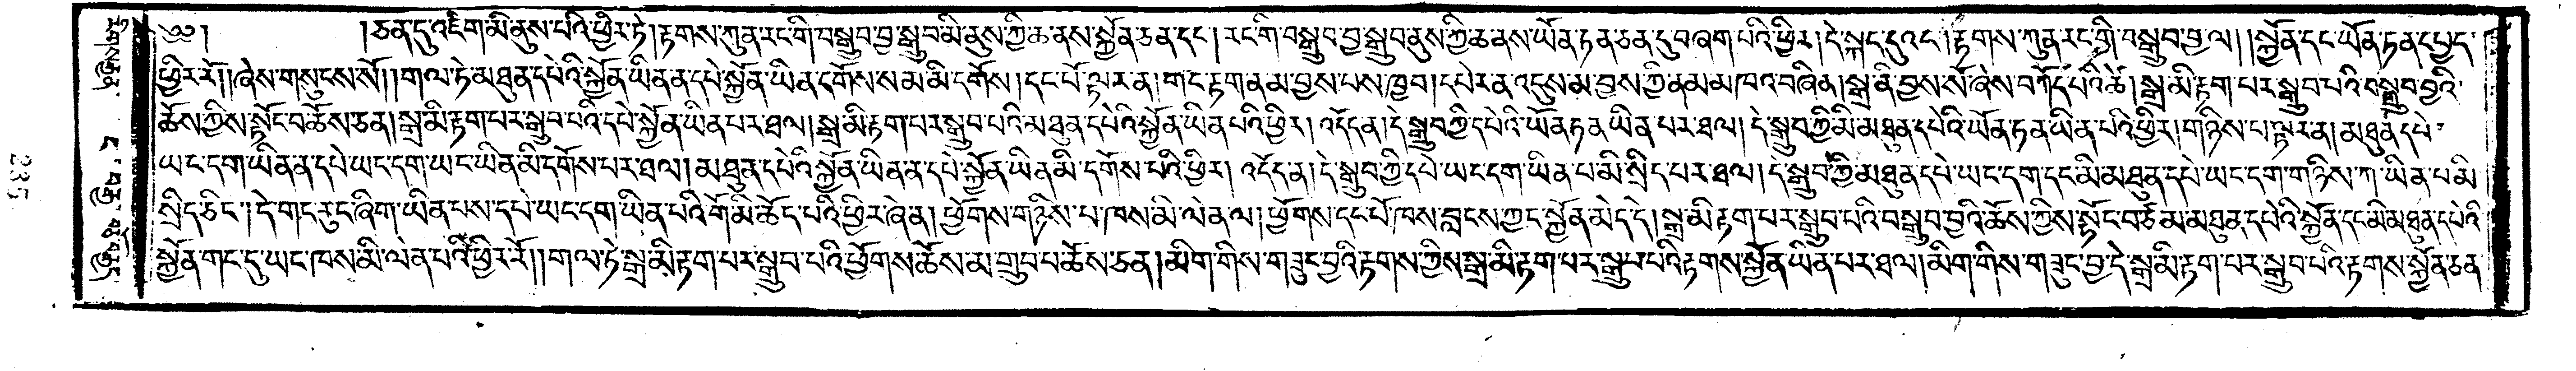༄༅། །ཅན་དུ་འཇོག་མི་ནུས་པའི་ཕྱིར་ཏེ། རྟགས་ཀུན་རང་གི་བསྒྲུབ་བྱ་སྒྲུབ་མི་ནུས་ཀྱི་ཆ་ནས་སྐྱོན་ཅན་དང་། རང་གི་བསྒྲུབ་བྱ་སྒྲུབ་ནུས་ཀྱི་ཆ་ནས་ཡོན་ཏན་ཅན་དུ་བཞག་པའི་ཕྱིར། དེ་སྐད་དུའང་། རྟགས་ཀུན་རང་གི་བསྒྲུབ་བྱ་ལ། །སྐྱོན་དང་ཡོན་ཏན་དཔྱད་
ཕྱིར་རོ། །ཞེས་གསུངས་སོ། །གལ་ཏེ་མཐུན་དཔེའི་སྐྱོན་ཡིན་ན་དཔེ་སྐྱོན་ཡིན་དགོས་སམ་མི་དགོས། དང་པོ་ལྟར་ན། གང་རྟག་ན་མ་བྱས་པས་ཁྱབ། དཔེར་ན་འདུས་མ་བྱས་ཀྱི་ནམ་མཁའ་བཞིན། སྒྲ་ནི་བྱས་སོ་ཞེས་བཀོད་པའི་ཚེ། སྒྲ་མི་རྟག་པར་སྒྲུབ་པའི་བསྒྲུབ་བྱའི་
ཆོས་ཀྱིས་སྟོང་པ་ཆོས་ཅན། སྒྲ་མི་རྟག་པར་སྒྲུབ་པའི་དཔེ་སྐྱོན་ཡིན་པར་ཐལ། སྒྲ་མི་རྟག་པར་སྒྲུབ་པའི་མཐུན་དཔེའི་སྐྱོན་ཡིན་པའི་ཕྱིར། འདོད་ན། དེ་སྒྲུབ་ཀྱི་དཔེའི་ཡོན་ཏན་ཡིན་པར་ཐལ། དེ་སྒྲུབ་ཀྱི་མི་མཐུན་དཔེའི་ཡོན་ཏན་ཡིན་པའི་ཕྱིར། གཉིས་པ་ལྟར་ན། མཐུན་དཔེ་
ཡང་དག་ཡིན་ན་དཔེ་ཡང་དག་ཡང་ཡིན་མི་དགོས་པར་ཐལ། མཐུན་དཔེའི་སྐྱོན་ཡིན་ན་དཔེ་སྐྱོན་ཡིན་མི་དགོས་པའི་ཕྱིར། འདོད་ན། དེ་སྒྲུབ་ཀྱི་དཔེ་ཡང་དག་ཡིན་པ་མི་སྲིད་པར་ཐལ། དེ་སྒྲུབ་ཀྱི་མཐུན་དཔེ་ཡང་དག་དང་མི་མཐུན་དཔེ་ཡང་དག་གཉིས་ཀ་ཡིན་པ་མི་
སྲིད་ཅིང་། དེ་གང་རུང་ཞིག་ཡིན་པས་དཔེ་ཡང་དག་ཡིན་པའི་གོ་མི་ཆོད་པའི་ཕྱིར་ཞེ་ན། ཕྱོགས་གཉིས་པ་ཁས་མི་ལེན་ལ། ཕྱོགས་དང་པོ་ཁས་བླངས་ཀྱང་སྐྱོན་མེད་དེ། སྒྲ་མི་རྟག་པར་སྒྲུབ་པའི་བསྒྲུབ་བྱའི་ཆོས་ཀྱིས་སྟོང་བ་ཙམ་མཐུན་དཔེའི་སྐྱོན་དང་མི་མཐུན་དཔེའི་
སྐྱོན་གང་དུ་ཡང་ཁས་མི་ལེན་པའི་ཕྱིར་རོ། །གལ་ཏེ་སྒྲ་མི་རྟག་པར་སྒྲུབ་པའི་ཕྱོགས་ཆོས་མ་གྲུབ་པ་ཆོས་ཅན། མིག་གིས་གཟུང་བྱའི་རྟགས་ཀྱིས་སྒྲ་མི་རྟག་པར་སྒྲུབ་པའི་རྟགས་སྐྱོན་ཡིན་པར་ཐལ། མིག་གིས་གཟུང་བྱ་དེ་སྒྲ་མི་རྟག་པར་སྒྲུབ་པའི་རྟགས་སྐྱོན་ཅན་